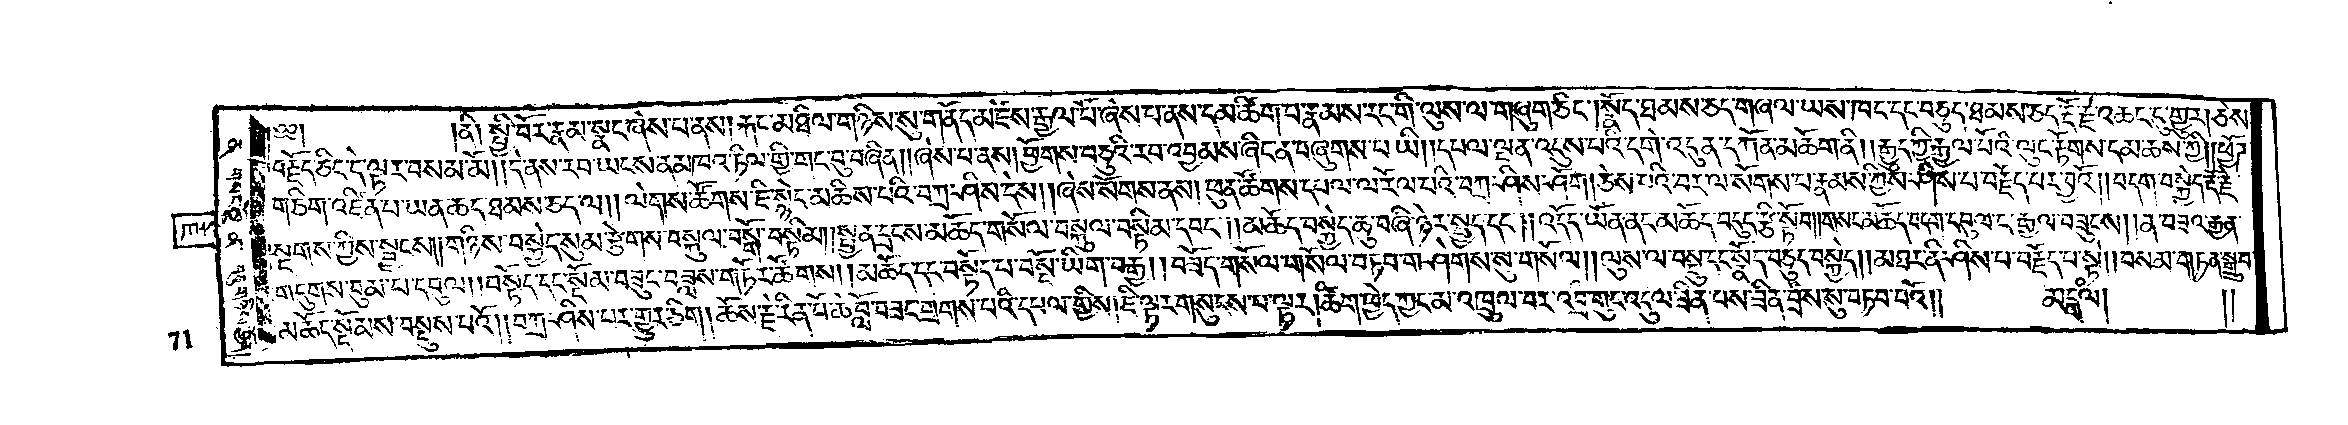༄༅། །ནི། སྤྱི་བོར་རྣམ་སྣང་ཞེས་པ་ནས། རྐང་མཐིལ་གཉིས་སུ་གནོད་མཛེས་རྒྱལ་པོ་ཞེས་པ་ནས་དམ་ཚིག་པ་རྣམས་རང་གི་ལུས་ལ་གཞུག་ཅིང་། སྣོད་ཐམས་ཅད་གཞལ་ཡས་ཁང་དང་བཅུད་ཐམས་ཅད་རྡོ་རྗེ་འཆང་དུ་གྱུར། ཅེས་
བརྗོད་ཅིང་དེ་ལྟར་བསམ་མོ། །དེ་ནས་རབ་ཡངས་ནམ་མཁའ་ཏིལ་གྱི་གང་བུ་བཞིན། །ཞེས་པ་ནས། ཕྱོགས་བཅུའི་རབ་འབྱམས་ཞིང་ན་བཞུགས་པ་ཡི། །དཔལ་ལྡན་འདུས་པའི་དགེ་འདུན་དཀོན་མཆོག་ནི། །རྒྱུད་ཀྱི་རྒྱལ་པོའི་ལུང་རྟོགས་དམ་ཆོས་ཀྱི། །ཕྱོགས་
གཅིག་འཛིན་པ་ཡན་ཆད་ཐམས་ཅད་ལ། །ལེགས་ཚོགས་ཇི་སྙེད་མཆིས་པའི་བཀྲ་ཤིས་དེས། །ཞེས་སོགས་ནས། ཕུན་ཚོགས་དཔལ་ལ་རོལ་པའི་བཀྲ་ཤིས་ཤོག །ཅེས་པའི་བར་ལ་སོགས་པ་རྣམས་ཀྱིས་ཤིས་པ་བརྗོད་པར་བྱའོ། །བདག་བསྐྱེད་རྡོ་རྗེ་
སྔགས་ཀྱིས་སྦྱངས། །གཉིས་བསྐྱེད་སུམ་རྩེགས་བསྐུལ་བསྒོ་བསྟིམ། །སྤྱན་དྲངས་མཆོད་གསོལ་བསྐུལ་བསྟིམ་དབང་། །མཆོད་བསྐྱེད་ཆུ་བཞི་ཉེར་སྤྱད་དང་། །འདོད་ཡོན་ནང་མཆོད་བདུད་རྩི་སྟོབ། །གསང་མཆོད་བདག་དབུལ་ང་རྒྱལ་བཟུངས། །ན་བཟའ་རྒྱན་
གདུགས་བུམ་པ་དབུལ། །བསྟོད་དང་སྡོམ་བཟུང་བཟླས་གཏོར་ཚོགས། །མཆོད་དང་བསྟོད་པ་བསྔོ་ཡིག་བརྒྱ། །བཟོད་གསོལ་གསོལ་བཏབ་གཤེགས་སུ་གསོལ། །ལུས་ལ་བསྡུ་དང་སྣོད་བཅུད་བསྐྱེད། །མཐར་ནི་ཤིས་པ་བརྗོད་པ་སྟེ། །བསམ་གཏན་སྒྲུབ་
མཆོད་སྡོམས་བསྡུས་པའོ། །བཀྲ་ཤིས་པར་གྱུར་ཅིག། ཆོས་རྗེ་རིན་པོ་ཆེ་བློ་བཟང་གྲགས་པའི་དཔལ་གྱིས། ཇི་ལྟར་གསུངས་པ་ལྟར། ཚིག་ཕྱེད་ཀྱང་མ་འཁྲུལ་བར་འབྲི་གུང་འདུལ་ཟིན་པས་ཟིན་བྲིས་སུ་བཏབ་པའོ།། མངྒལཾ། །།